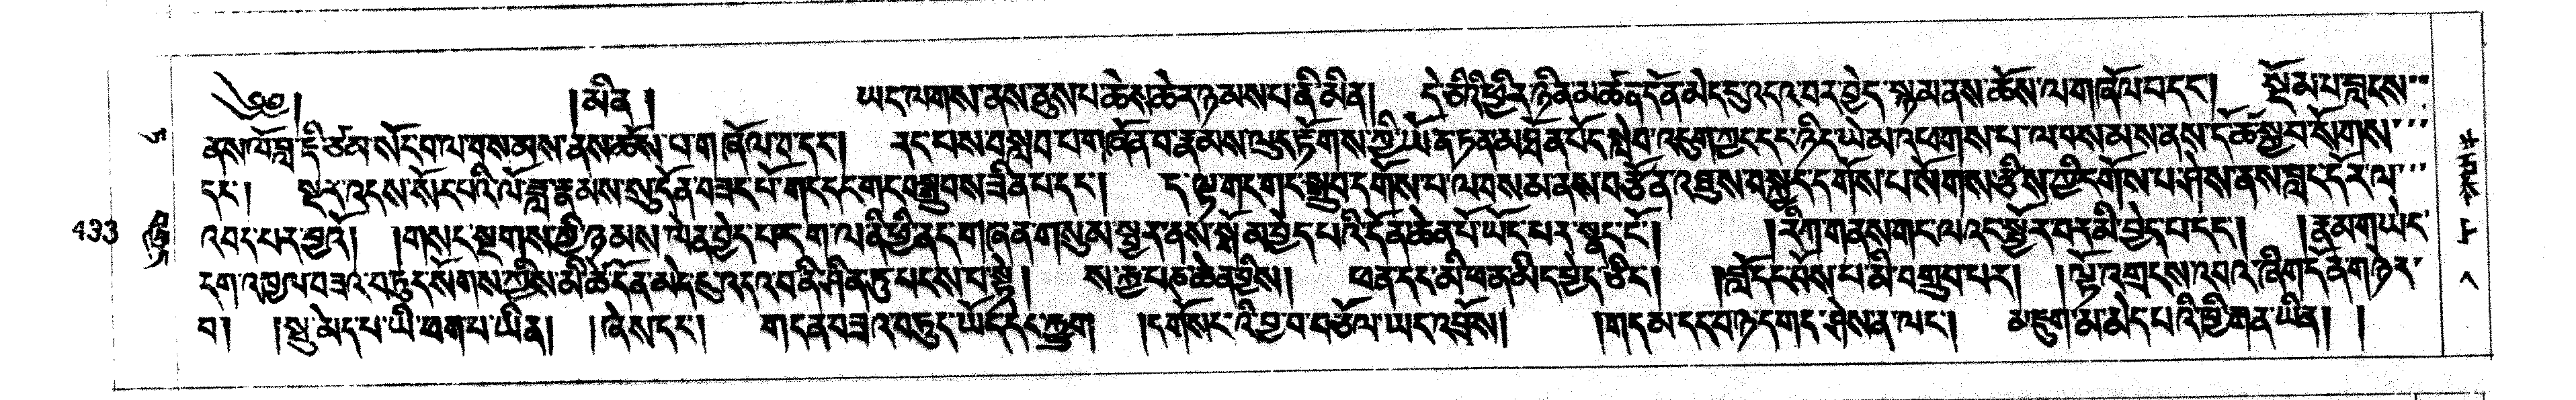༄༅། །མིན། ཡང་ལགས་ནས་ནུས་པ་ཆེས་ཆེར་ཉམས་པ་ནི་མིན། དེ་ཅིའི་ཕྱིར་ཉིན་མཚན་དོན་མེད་དུ་འདའ་བར་བྱེད་སྙམ་ནས་ཆོས་ལ་གཞོལ་བ་དང་། སྡོམ་པ་བླངས་
ནས་ལོ་བླ་ཇི་ཙམ་སོང་བ་ལ་བསམས་ནས་ཆོས་པ་གཞོལ་བ་དང་། རང་པས་བསླབ་པ་གཞོན་བ་རྣམས་ལུང་རྟོགས་ཀྱི་ཡོན་ཏན་མཐོན་བོང་སླེབ་འདུག་ཀྱང་དང་ཉིད་ཡེམ་འཕགས་པ་ལ་བསམས་ནས་ངོ་ཚ་སྐྱབ་སོགས་
དང་། སྔར་འདས་སོང་པའི་ལོ་ཟླ་རྣམས་སུ་དོན་བཟང་པོ་གང་དང་གང་བསྒྲུབས་ཟིན་པ་དང་། ད་ལྟ་གང་གང་སྒྲུབ་དགོས་པ་ལ་བསམ་ནས་བརྩོན་འཐུས་བསྐྱད་དགོས་པ་སོགས་རྩིས་ཀྱི་དགོས་པ་ཤེས་ནས་བླང་དོར་ལ་
འབད་པར་བྱའོ། །གསང་སྔགས་ཀྱི་ཉམས་ལེན་བྱེད་པ་དག་ལ་ནི་ཕྱི་ནང་གཞན་གསུམ་སྦྱར་ནས་སྒོམ་བྱེད་པའི་དོན་ཆེན་པོ་ཡོང་པར་སྣང་ངོ། །རིག་གནས་གང་ལའང་སྤྱོར་བར་མི་བྱེད་པ་དང་། །རྣམ་གཡེང་
དག་འཁྱལ་བཟའ་བཏུད་སོགས་ཀྱིས་མི་ཚེ་དོན་མེད་དུ་འདའ་བ་ནི་ཤིན་ཏུ་པངས་པ་སྟེ། ས་རྐྱ་པཎ་ཆེན་བྱིས། ཕན་དང་མི་ཕན་མིང་བྱེད་ཅིང་། །བློ་དང་བོས་པ་མི་བགྲུབ་པར། །ལྟོ་འགྲངས་འབའ་ཞིག་དོན་གཉེར་
བ། །སྤུ་མེད་པ་ཡི་ཕག་པ་ཡིན། །ཞེས་དང་། གདན་བཟའ་བཏུད་ཡོད་དེང་རྐྱུག །དགོས་ངའི་བྱ་བ་བཅོལ་ཡང་འབྲོས། །གདམ་དང་བ་ཉ་དགད་ཤེས་ན་ལང་། མཇུག་མ་མེད་པའི་ཁྱི་རྒན་ཡིན། །